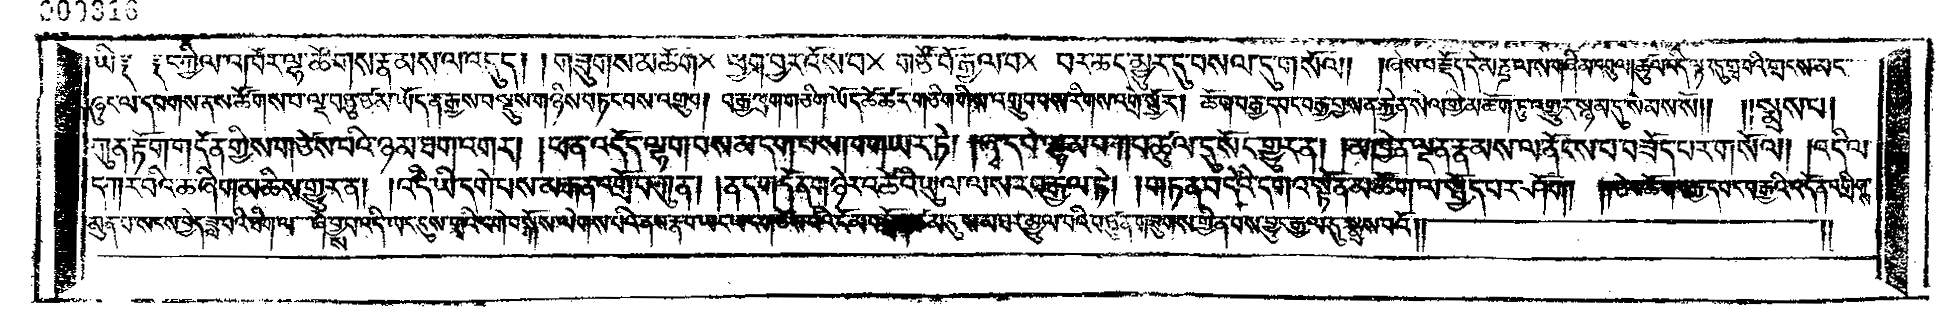ཡི། །དཀྱིལ་འཁོར་ལྷ་ཚོགས་རྣམས་ལ་འདུད། །གཟུགས་མཆོག་྾་ཕྱག་བྱར་འོས་བ་྾་གཙོ་བོ་རྒྱལ་བ་྾་བར་ཆད་མྱུར་དུ་བསལ་དུ་གསོལ། །ཞེས་བརྗོད་དེ་མཎྜལ་ས་གཞི་མ་འབུལ། ཚུལ་འདི་ལྟར་དུ་གྲྭ་བའི་གྲངས་མང་
ཉུང་ལ་དཔགས་ནས་ཚོགས་པ་ལྔ་བཅུ་ཙམ་ཡོད་ན་རྒྱས་བསྡུས་གཉིས་བཏང་བས་འགྲུབ། བརྒྱ་ཕྲག་གཅིག་ཡོད་ཚེ་ཚར་གཅིག་གིས་འགྲུབ་བས་རིགས་འགྲེ་སྦྱོར། ཆོ་ག་བརྒྱ་དབང་བརྒྱ་བྱས་ན་རྐྱེན་སེལ་གྱི་མཆོག་ཏུ་འགྱུར་སྙམ་དུ་སེམས་སོ།། །།སྨྲས་པ།
ཀུན་རྟོག་གདོན་གྱིས་གཙེས་པའི་ཉམ་ཐག་འགར། །ཕན་འདོད་ལྷག་བསམ་དག་པས་ཁ་གཡར་ཏེ། །ཞྭ་དཔེ་ལྷམ་བཀབ་ཚུལ་དུ་སོང་གྱུར་ན། །མཁྱེན་ལྡན་རྣམས་ལ་ནོངས་པ་བཟོད་པར་གསོལ། །འདི་ལ་
དཀར་བའི་ཆ་ཞིག་མཆིས་གྱུར་ན། །འདི་ཡི་དགེ་པས་མྲྒན་འགྲོ་བ་ཀུན། །ནད་གདོན་གཉེར་འཚེའི་ཡུལ་ལས་རབ་རྒྱལ་ཏེ། །གཏན་བདེའི་དགའ་སྟོན་མཆོག་ལ་སྤྱོད་པར་ཤོག ། །།ཅེས་ཆོ་ག་བརྒྱ་དབང་བརྒྱའི་འདོན་འགྲིགས་
མུན་པ་སངས་བྱེད་ཟླ་བའི་ཐིག་ལ་ཞེས་བྱ་བ་འདི་ཡང་དུས་གྲྭའི་དགེ་བསྐོས་ལེགས་པའི་ནས་རྣ་བ་ཡང་ཡང་གཅོས་པའི་ངོ་མ་བཟློག་ཙམ་དུས་མཐར་མྱུལ་བའི་བཙུན་གཟུགས་གྱི་ན་བས་བྱུང་རྒྱལ་དུ་སྨྲས་བའོ། །།